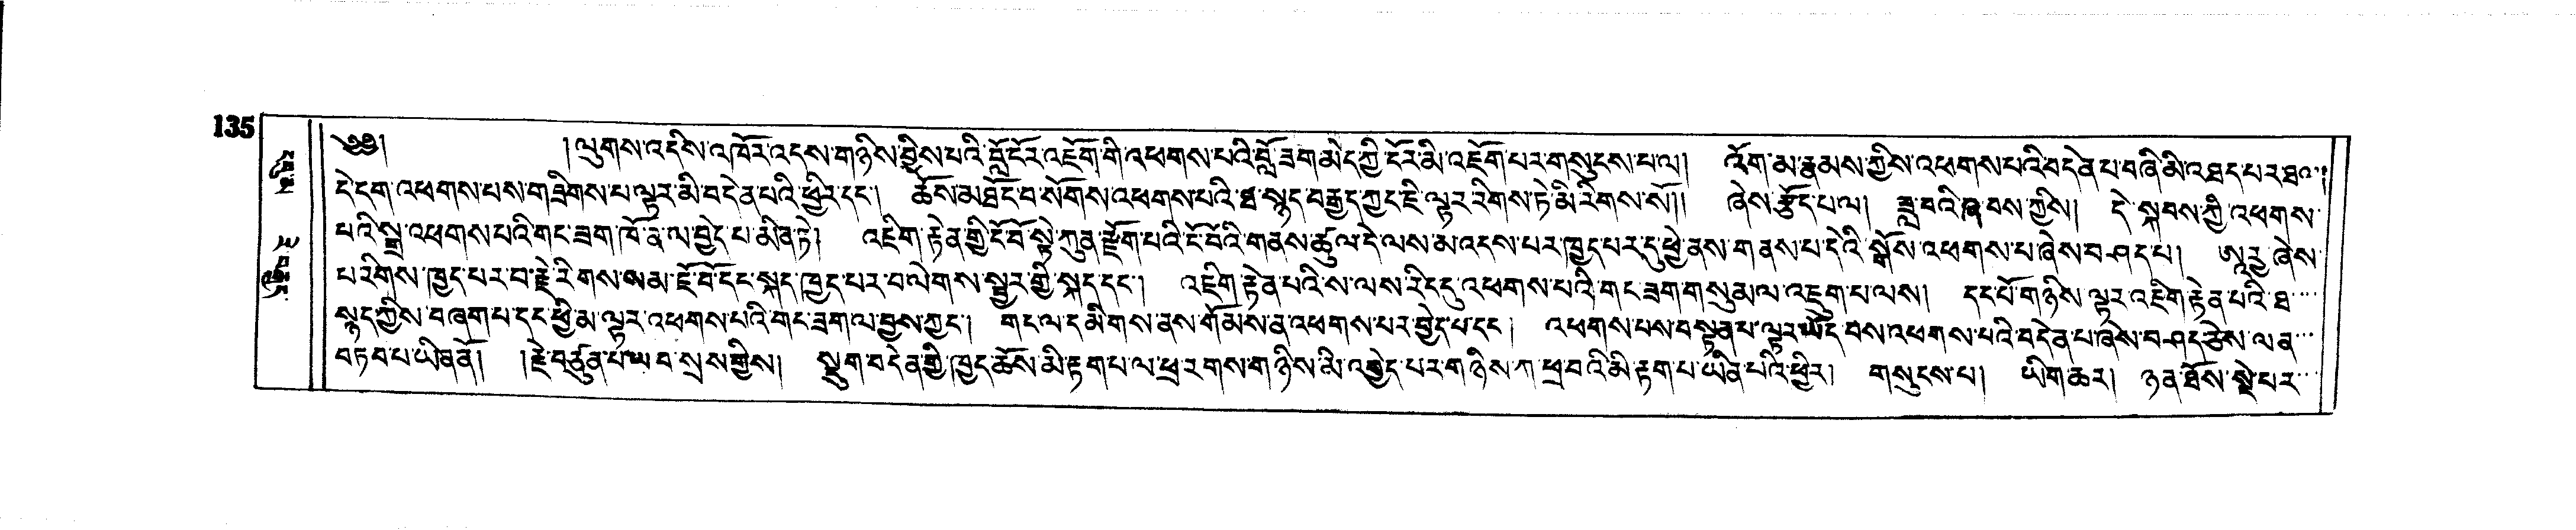༄༅། །ལུགས་འདིས་འཁོར་འདས་གཉིས་བྱིས་པའི་བློ་ངོར་འཇོག་གི་འཕགས་པའི་བློ་ཟག་མེད་ཀྱི་ངོར་མི་འཇིག་པར་གསུངས་པ་ལ། འོག་མ་རྣམས་ཀྱིས་འཕགས་པའི་བདེན་པའི་བཞི་མི་འཐད་པར་ཐལ།
དེ་དག་འཕགས་པས་གཟིགས་པ་ལྟར་མི་བདེན་པའི་ཕྱིར་དང་། ཆོས་མཐོང་བ་སོགས་འཕགས་པའི་ཐ་སྙད་བརྒྱད་ཀྱང་ཇི་ལྟར་རིགས་ཏེ་མི་རིགས་སོ། །ཞེས་རྩོད་པ་ལ། ཟླ་བའི་ཞབས་ཀྱིས། དེ་སྐབས་ཀྱི་འཕགས་
པའི་སྒྲ་འཕགས་པའི་གང་ཟག་ཁོ་ན་ལ་བྱེད་པ་མིན་ཏེ། འཇིག་རྟེན་གྱི་ངོ་བོ་སྟེ་ཀུན་རྫོགས་པའི་ངོ་བོའི་གནས་ཚུལ་དེ་ལས་མ་འདས་པར་ཁྱད་པར་དུ་ཕྱེ་ནས་གནས་པ་དེའི་སྒོས་འཕགས་པ་ཞེས་བཤད་པ། ཨཱརྱ་ཞེས་
པ་རིགས་ཁྱད་པར་བ་རྗེ་རིགས་སམ་ཇོ་བོ་དང་སྐད་ཁྱད་པར་བ་ལེགས་སྦྱར་གྱི་སྐད་དང་འཇིག་རྟེན་པའི་ས་ལས་རིང་དུ་འཕགས་པའི་གང་ཟག་གསུམ་ལ་འཇུག་པ་ལས། དང་པོ་གཉིས་ལྟར་འཇིག་རྟེན་པའི་ཐ་
སྙད་ཀྱིས་བཞག་པ་དང་ཕྱི་མ་ལྟར་འཕགས་པའི་གང་ཟག་ལ་བྱས་ཀྱང་། གང་ལ་དམིགས་ནས་གོམས་ན་འཕགས་པར་བྱེད་པ་དང་། འཕགས་པས་བསྟན་པ་ལྟར་ཡོད་པས་འཕགས་པའི་བདེན་པ་ཞེས་བཤད་ཅེས་ལན་
བཏབ་པ་ཡིན་ནོ། །རྗེ་བཙུན་པ་ཡབ་སྲས་གྱིས། སྡུག་བདེན་གྱི་ཁྱད་ཆོས་མི་རྟག་པ་ལ་ཕྲ་རགས་གཉིས་མི་འགྱེད་པར་གཉིས་ཀ་ཕྲ་བའི་མི་རྟག་པ་ཡིན་པའི་ཕྱིར། གསུངས་པ། ཡིག་ཆར། ཉན་ཐོས་སྡེ་པར་